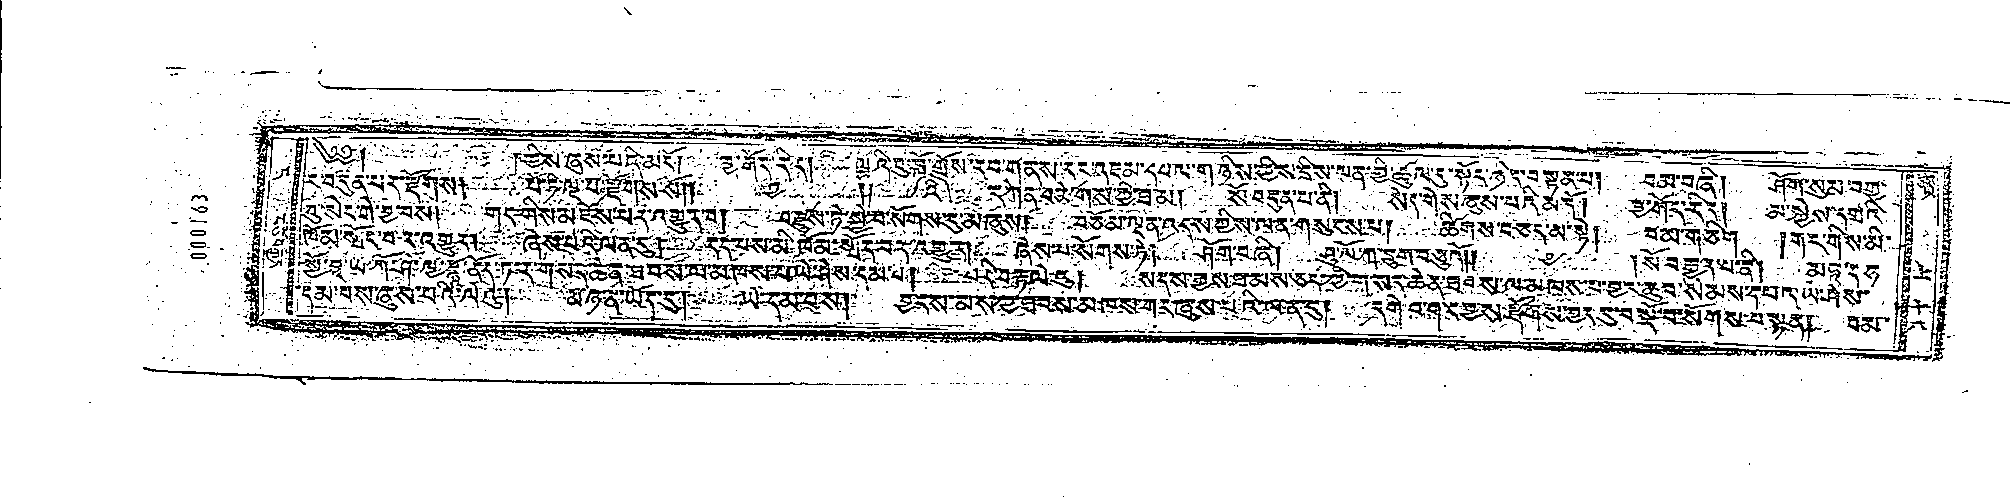༄༅། །ཀྱིས་ཞུས་པའི་མདོ། བྱ་རྒོད་རིད། ལྷའི་བུ་བློ་གྲོས་རབ་གནས་དང་འཇམ་དཔལ་གཉིས་ཀྱིས་དྲིས་ལན་གྱི་ཚུལ་དུ་སྟོང་ཉིད་བསྟན་པ། བམ་བཞི། ཤོག་སུམ་བརྒྱ་
ང་བདུན་པར་རྫོགས། པོ་ཏི་ལྔ་པ་རྫོགས་སོ།། ༧་།། འ྄ི་དཀེན་བརྩེགས་ཀྱི་ཐ་མ། སོ་བདུན་པ་ནི། སེང་གེས་ཞུས་པའི་མདོ། བྱ་གོང་རིང་། མ་སྐྱེས་དགྲའི་
བུ་སེང་གེ་བྱ་བས། གང་གིས་མཛེས་པར་འགྱུར་བ། བརྫུས་ཏེ་སྐྱེ་བ་སོགས་དུ་མ་ཞུས། བཅོམ་ལྡན་འདས་ཀྱིས་ལན་གསུངས་པ། ཚིགས་བཅད་མ་སྟེ། བམ་གཅིག །གང་གིས་མི་
ཁོམ་སྤོང་བར་འགྱུར། ཞེས་པའི་ལན་དུ། དད་པས་མི་ཁོམ་སྤོད་བར་འགྱུར། ཞེས་པ་སོགས་ཏེ། ཤོག་བཞི། ཤུ་ལོ་ཀ་དྲུག་བཅུའོ།། ༧་།སོ་བརྒྱད་པ་ནི། མཧཱ་ར་ཧ་
སྱོ་བཱ་ཡ་ཀོ་ཤ་ལྱ་ཛྙཱ་ནོད་ཏ་ར་གསང་ཆེན་ཐབས་ལ་མཁས་པ་ཡེ་ཤེས་དམ་པ། པ་རི་བརྟ་ལེའུ། སངས་རྒྱས་ཐམས་ཅད་ཀྱི་གསང་ཆེན་ཐབས་ལ་མཁས་པ་བྱང་ཆུབ་སེམས་དཔའ་ཡེ་ཤེས་
དམ་བས་ཞུས་པའི་ལེའུ། མཉན་ཡོད་དུ། ཡི་དམ་པས། བྱང་སེམས་ཀྱི་ཐབས་མཁས་གང་ཞུས་པའི་ལན་དུ། དགེ་བ་གང་བྱས་རྫོགས་བྱང་དུ་བསྔོ་བ་སོགས་བསྟན། བམ་